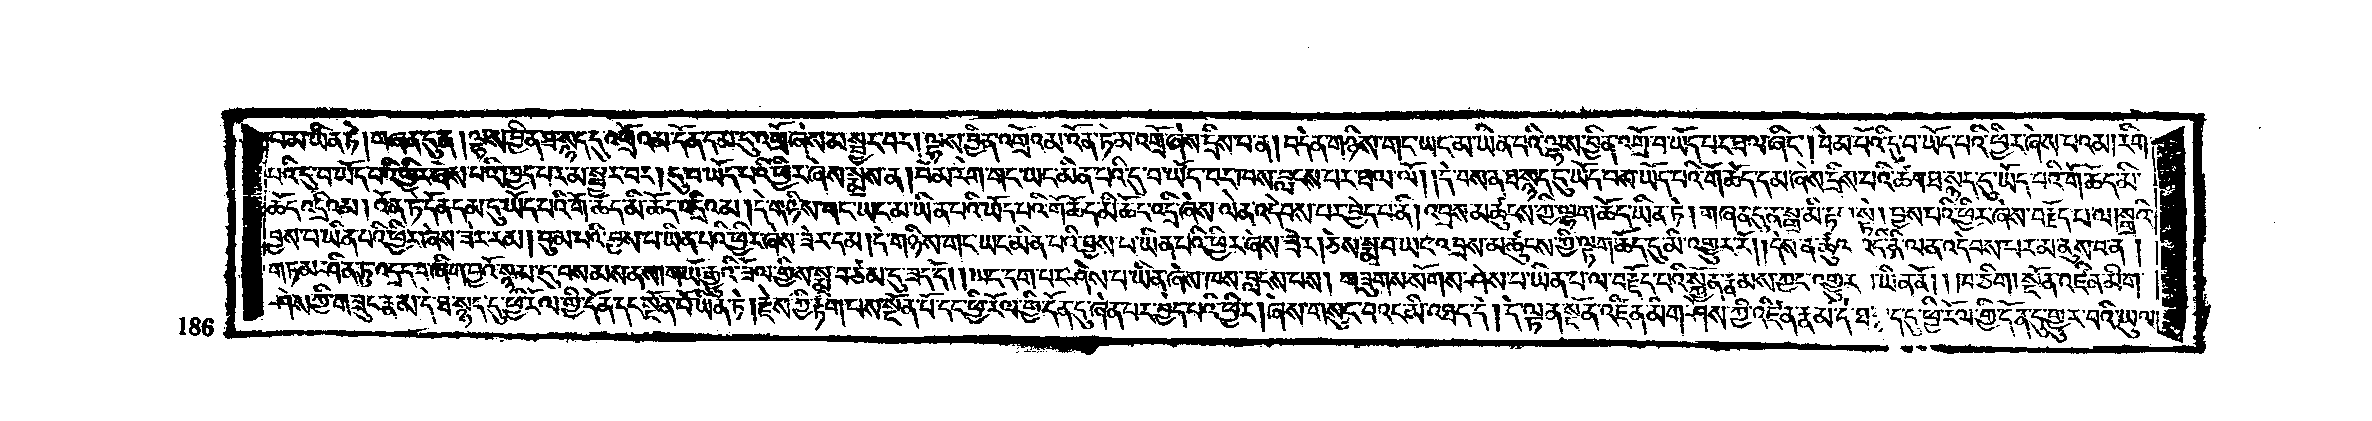པ་མ་ཡིན་ཏེ། གཞན་དུ་ན། ལྷས་བྱིན་ཐ་སྙད་དུ་འགྲོ་འམ་དོན་དམ་དུ་འགྲ་ཞེས་མ་སྦྱར་བར། ལྷས་བྱིན་འགྲོ་འམ་འོན་ཏེ་མ་འགྲོ་ཞེས་དྲིས་པ་ན། བདེན་གཉིས་གང་ཡང་མ་ཡིན་པའི་ལྷས་བྱིན་འགྲོ་བ་ཡོད་པར་ཐལ་ཞིང་། བེམ་པོའི་དུ་བ་ཡོད་པའི་ཕྱིར་ཞེས་པའམ། རིག་
པའི་དུ་བ་ཡོད་པའི་ཕྱིར་ཞེས་པའི་ཁྱད་པར་མ་སྦྱར་བར། དུ་བ་ཡོད་པའི་ཕྱིར་ཞེས་སྨྲས་ན། བེམ་རིག་གང་ཡང་མིན་པའི་དུ་བ་ཡོད་པར་ཁས་བླངས་པར་ཐལ་ལོ། །དེ་བས་ན་ཐ་སྙད་དུ་ཡོད་པས་ཡོད་པའི་གོ་ཆོད་དམ་ཞེས་དྲིས་པའི་ཚིག་ཐ་སྙད་དུ་ཡོད་པའི་གོ་ཆོད་མི་
ཆོད་འདྲི་འམ། འོན་ཏེ་དོན་དམ་དུ་ཡོད་པའི་གོ་ཚད་མི་ཆོད་འདྲི་འམ། དེ་གཉིས་གང་ཡང་མ་ཡིན་པའི་ཡོད་པའི་གོ་ཚད་མི་ཆོད་འདྲི་ཞེས་ལན་འདབས་པར་བྱེད་པ་ནི། འབྲས་མཚུངས་ཀྱི་ལྷག་ཆོད་ཡིན་ཏེ། གཞན་དུ་ན་སྒྲ་མི་རྟག་སྟེ། བྱས་པའི་ཕྱིར་ཞེས་བརྗོད་པ་ལ། སྒྲའི་
བྱས་པ་ཡིན་པའི་ཕྱིར་ཞེས་ཟེར་རམ། བུམ་པའི་བྱས་པ་ཡིན་པའི་ཕྱིར་ཞེས་ཟེར་ངམ། དེ་གཉིས་གང་ཡང་མིན་པའི་བྱས་པ་ཡིན་པའི་ཕྱིར་ཞེས་ཟེར། ཅེས་སྨྲ་བ་ཡང་འབྲས་མཚུངས་ཀྱི་ལྟག་ཆོད་དུ་མི་འགྱུར་རོ། །དེས་ན་ཚུལ་འདི་ནི་ལན་འདེབས་པར་མ་ནུས་པ་ན།
གཏམ་ཤིན་ཏུ་འདྲད་བ་ཞིག་བྱའོ་སྙམ་དུ་བསམས་ནས། གཡོ་རྒྱུའི་ཟོལ་གྱིས་སྨྲ་བ་ཙམ་དུ་ཟད་དོ། །ཡང་དག་པར་ཤེས་པ་ཡིན་ཞེས་ཁས་བླངས་པས། གཟུགས་སོགས་ཤེས་པ་ཡིན་པ་ལ་བརྗོད་པའི་སྐྱོན་རྣམས་ཀྱང་འགྱུར་བ་ཡིན་ནོ། །ཁ་ཅིག །སྔོན་འཛིན་མིག་
ཤེས་ཀྱི་གཟུང་རྣམ་དེ་ཐ་སྙད་དུ་ཕྱི་རོལ་གྱི་དོན་དང་སྔོན་པོ་ཡིན་ཏེ། རྗེས་ཀྱི་རྟག་པས་སྔོན་པོ་དང་ཕྱི་རོལ་གྱི་དོན་དུ་ཞེན་པར་བྱེད་པའི་ཕྱིར། ཞེས་གསུང་བའང་མི་འཐད་དེ། དེ་ལྟ་ན་སྔོན་འཛིན་མིག་ཤེས་ཀྱི་འཛིན་རྣམ་དེ་ཐ་སྙད་དུ་ཕྱི་རོལ་གྱི་དོན་དུ་གྱུར་པའི་ཡུལ་